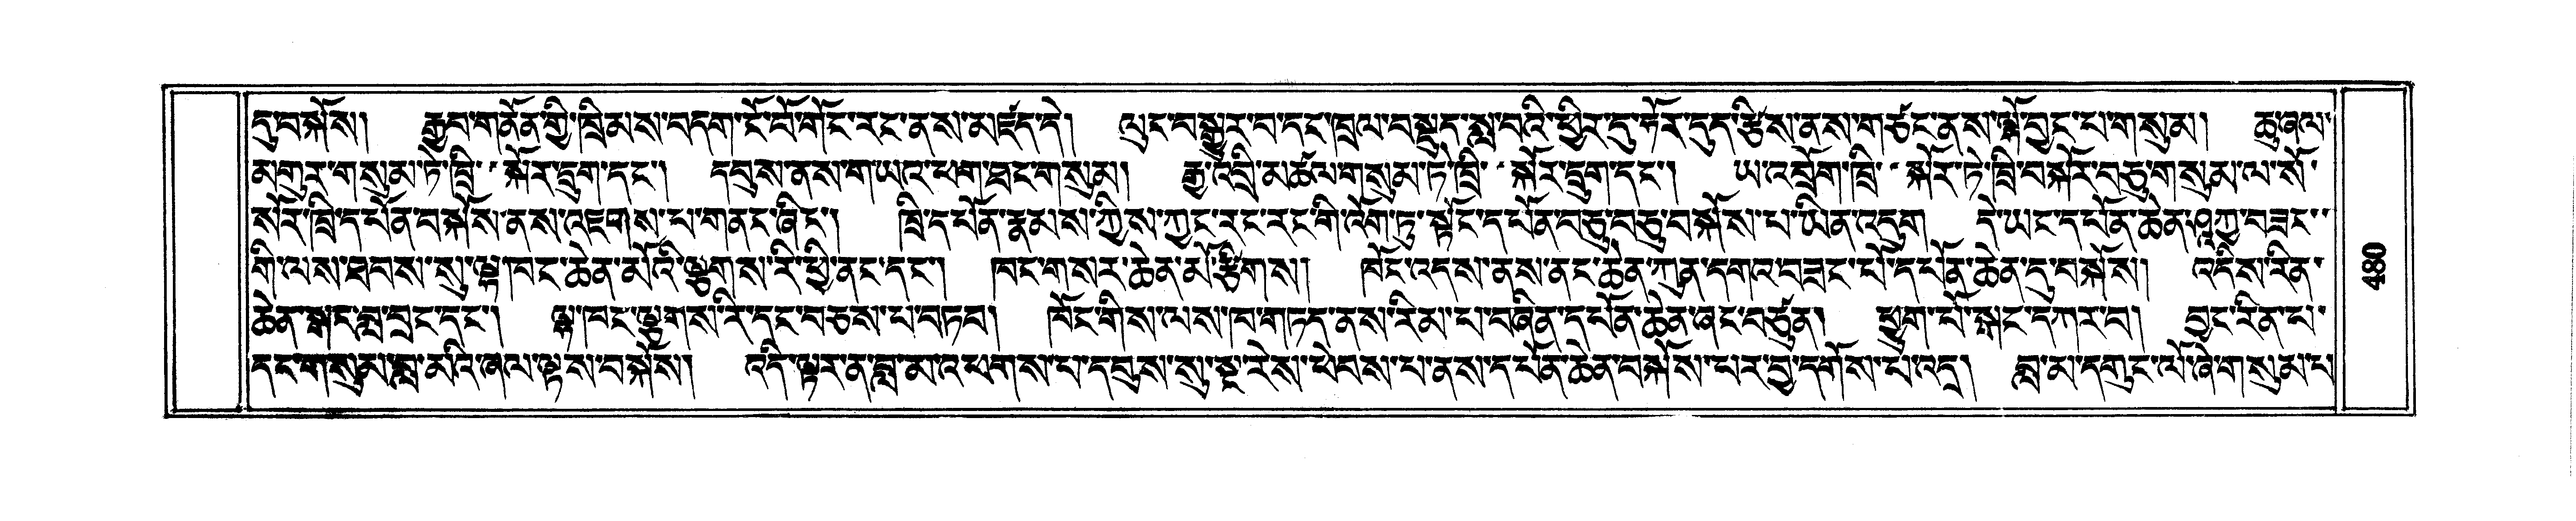དུ་བསྐོས། རྒྱབ་གནོན་གྱི་ཁྲིམས་བདག་ངོ་བོ་གོང་རང་ནས་མཛད་དེ། ལུང་བསྒྱུར་བ་དང་ཁྲལ་བསྡུད་སླ་བའི་ཕྱིར་དུ་ཧོར་དུད་རྩིས་ནས་གཙང་ནས་ལྷོ་བྱང་པ་གསུམ། ཆུ་ཞལ་
མགུར་གསུམ་ཏེ་ཁྲི་སྐོར་དྲུག་དང་། དབུས་ནས་གཡའ་ཕག་ཐང་གསུམ། རྒྱ་འབྲི་མཚལ་གསུམ་ཏེ་ཁྲི་སྐོར་དྲུག་དང་། ཡ་འབྲོག་ཁྲི་སྐོར་ཏེ་ཁྲི་བསྐོར་བཅུ་གསུམ་ལ་སོ་
སོར་ཁྲི་དཔོན་བསྐོས་ནས་འཇགས་པ་གནང་ཞིང་། ཁྲི་དཔོན་རྣམས་ཀྱིས་ཀྱང་རང་རང་གི་འོག་ཏུ་སྟོང་དཔོན་བཅུ་བཅུ་བསྐོས་པ་ཡིན་འདུག་དེ་ཡང་དཔོན་ཆེན་ཤཱཀྱ་བཟང་
གི་ལས་ཐབས་སུ་ལྷ་ཁང་ཆེན་མོའི་ལྕགས་རི་ཕྱི་ནང་དང་། ཁང་གསར་ཆེན་མོ་རྩིགས། ཁོང་འདས་ནས་ནང་ཆེན་ཀུན་དགའ་བཟང་པོ་དཔོན་ཆེན་དུ་བསྐོས། འདིས་རིན་
ཆེན་སྒང་བླ་བྲང་དང་། ལྷ་ཁང་ལྕགས་རི་དང་བཅས་པ་བཏབ། ཁོང་གིས་ལས་ཁ་གཏད་ནས་རིམ་པ་བཞིན་དཔོན་ཆེན་ཞང་བཙུན། ཕྱུག་པོ་སྒང་དཀར་བ། བྱང་རིན་པ་
དང་གསུམ་བླ་མའི་ཞལ་ལྟས་བསྐོས། འདི་ལྟར་ན་བླ་མ་འཕགས་པ་དབུས་སུ་སྔ་རེས་ཕེབས་པ་ནས་དཔོན་ཆེན་བསྐོས་པར་བྱ་དགོས་པ་འདྲ། བླ་མ་དགུང་ལོ་ཞེ་གསུམ་པ་